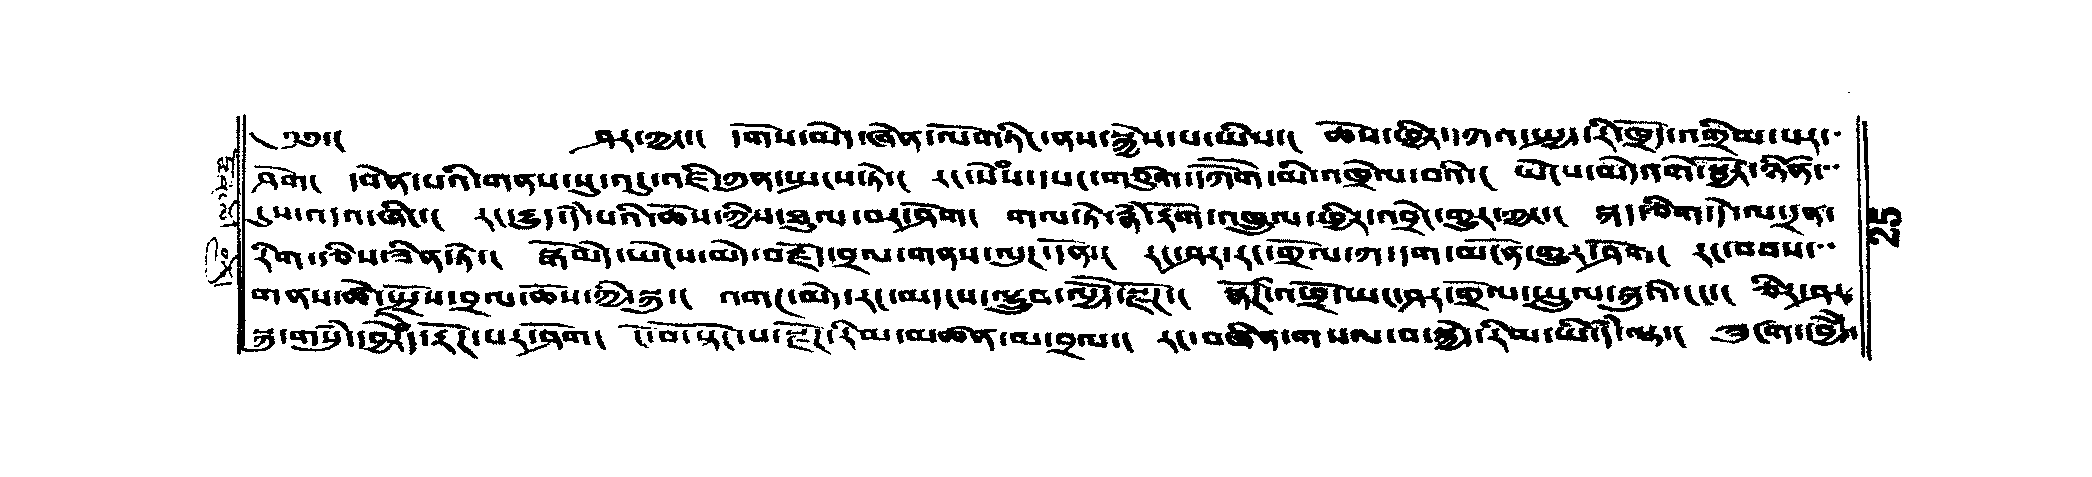ཤར་ཀྱང་། །དགོས་མེད་ཞེན་ལོག་གཏིང་ནས་སྐྱེས་པ་ཡིས། །ཆོས་ཕྱིར་དཀའ་སྤྱད་རི་ཁྲོད་འགྲིམ་པར་
ཤོག །དབེན་པའི་གནས་སུ་འདུ་འཛི་ཀུན་སྤངས་ཏེ། །རང་སེམས་དཔང་གཙུགས་དཀོན་མཆོག་མི་འཁྲེལ་བའི། །ཡེངས་མེད་དགེ་སྦྱོར་ཉིན་མཚན་
དུས་འདའ་ཞིང་། །རང་རྒྱུད་དམ་པའི་ཆོས་ཀྱིས་ཐུལ་བར་ཤོག།གལ་ཏེ་རྣམ་རྟོག་འཁྲུལ་ཕྱིར་འབྲང་གྱུར་ཀྱང་། །སྐད་ཅིག་དེ་ལ་དྲན་
རིག་རྩིས་ཟིན་ཏེ། །སྒོམ་མེད་ཡེངས་མེད་བརྗོད་བྲལ་གནས་ལུགས་དོན། །རང་ཤར་རང་གྲོལ་ཀ་དག་མངོན་གྱུར་ཤོག །རང་བབས་
གནས་ཚེ་སྤྲོས་བྲལ་ཆོས་ཀྱི་སྐུ། །འགགས་མེད་རང་མདངས་ལྷུན་གྲུབ་ལོངས་སྤྱོད་རྫོགས། །སྣ་ཚོགས་འཕྲོ་ཡང་ཤར་གྲོལ་སྤྲུལ་སྐུའི་ངང་། །ཅིར་ཤར་
སྐུ་གསུམ་དབྱེར་མེད་རྟོགས་པར་ཤོག །ངོ་བོ་སྟོང་པ་རྫོགས་རིམ་མཚན་མ་བྲལ། །རང་བཞིན་གསལ་བ་བསྐྱེད་རིམ་ཡི་དམ་ལྷ། །ཟུང་འཇུག་དབྱེར་མེད་